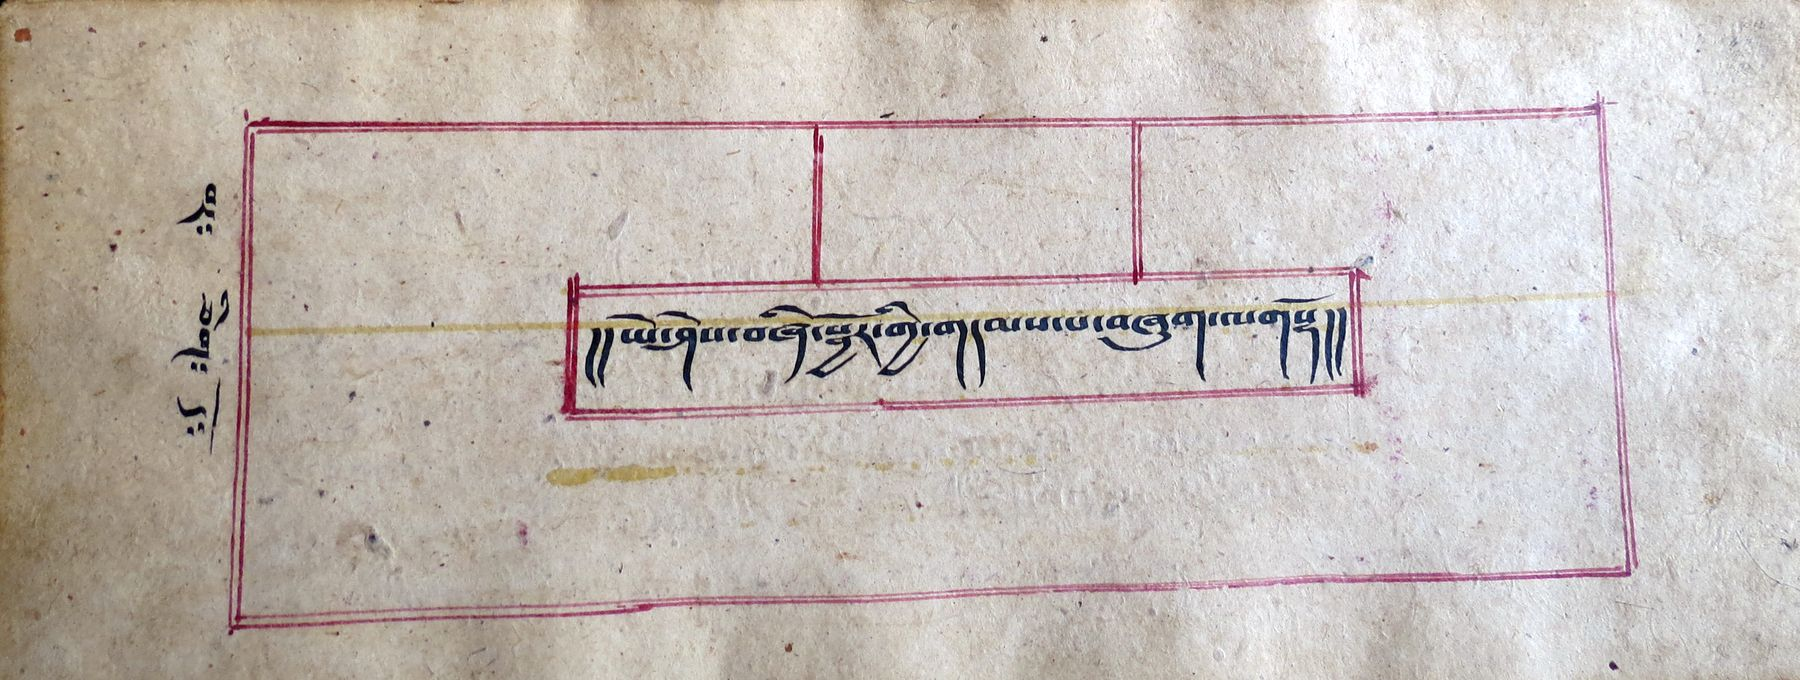ཡེ་ཤེས་བཞི་སྦྱོར་གྱི་གདམས་པ་བཞུགས་ལགས་སོ། །